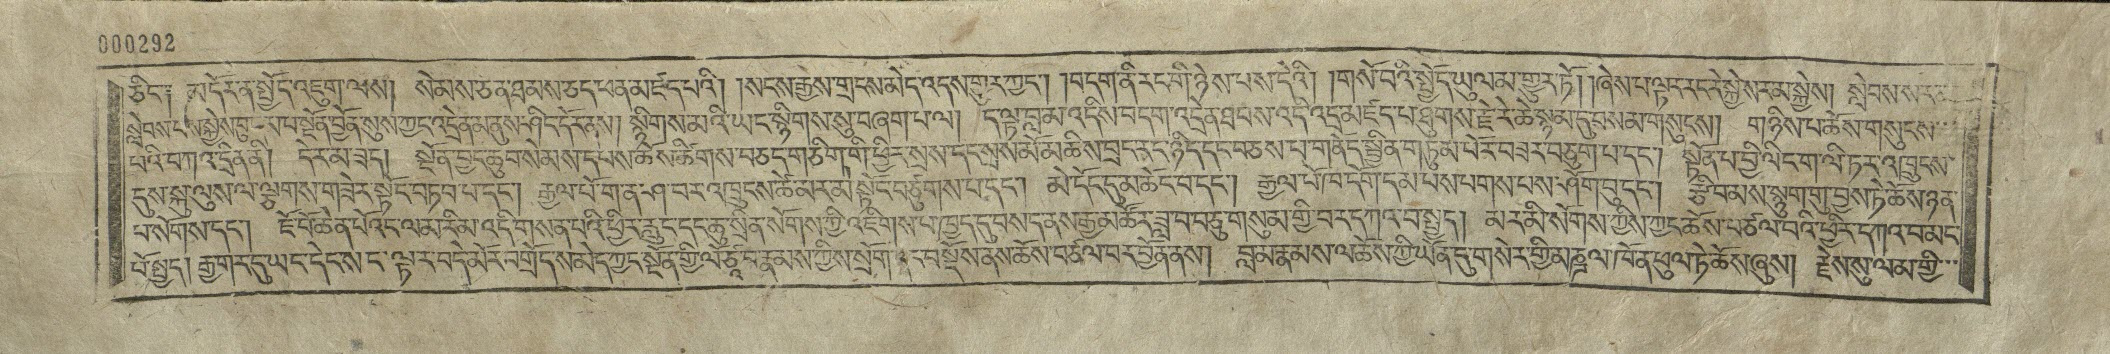ཅིང༑ མདོར་ན་སྤྱོད་འཇུག་ལས། སེམས་ཅན་ཐམས་ཅད་ཕན་མཛད་པའི། །སངས་རྒྱས་གྲངས་མེད་འདས་གྱུར་ཀྱང་། །བདག་ནི་རང་གི་ཉེས་པས་དེའི། །གསོ་བའི་སྤྱོད་ཡུལ་མ་གྱུར་ཏོ། །ཞེས་པ་ལྟར་རང་རེ་སྐྱེ་སར་མ་སྐྱེས། སླེབས་སར་མ་
སླེབས་པས་སྐྱེས་བུ་དམ་པ་སྔོན་བྱོན་སུས་ཀྱང་འདྲེན་མ་ནུས་ཤིང་དོར་ནས། སྙིགས་མའི་ཡང་སྙིགས་སུ་བཞག་པ་ལ། ད་ལྟ་བླ་མ་འདིས་བདག་འདྲེན་ཐབས་འདི་འདྲ་མཛད་པ་ཐུགས་རྗེ་རེ་ཆེ་སྙམ་དུ་བསམ་གསུངས། གཉིས་པ་ཆོས་གསུངས་
པའི་བཀའ་དྲིན་ནི། དེར་མ་ཟད། སྔོན་བྱང་ཆུབ་སེམས་དཔས་ཆོས་ཚིགས་བཅད་གཅིག་གི་ཕྱིར་སྲས་དང་སྲས་མོ་མཆིས་བྲང་རང་ཉིད་དང་བཅས་པ་གནོད་སྦྱིན་གཏུམ་པོར་བཟར་བཅུག་པ་དང་། སྟོན་པ་བྱི་ལིང་ག་ལི་ཏར་འཁྲུངས་
དུས་སྐུ་ལུས་ལ་ལྕགས་གཟེར་སྟོང་བཏབ་པ་དང་། རྒྱལ་པོ་ག་ན་ཤ་བར་འཁྲུངས་ཚེ་མར་མེ་སྟོང་བཙུགས་པ་དང་། མེ་དོང་དུ་མཆོང་བ་དང་། རྒྱལ་པོ་ཁ་དོག་དམ་པས་པགས་པས་ཤོག་བུ་དང་། རྩིབ་མས་སྙུག་གུ་བྱས་ཏེ་ཆོས་ཉན་
པ་སོགས་དང་། ཇོ་བོ་ཆེན་པོའང་ལམ་རིམ་འདི་གསན་པའི་ཕྱིར་རླུང་དང་ཆུ་སྲིན་སོགས་ཀྱི་འཇིགས་པ་ཁྱད་དུ་བསད་ནས་རྒྱ་མཚོར་ཟླ་བ་བཅུ་གསུམ་གྱི་བར་དཀའ་བ་སྤྱད། མར་མི་སོགས་ཀྱིས་ཀྱང་ཆོས་བཙལ་བའི་ཕྱིར་དཀའ་བ་མང་
པོ་སྤྱད། རྒྱ་གར་དུ་ཡང་དེང་སང་ལྟར་བདེ་མོར་བགྲོད་ས་མེད་ཀྱང་སྔོན་གྱི་ལོ་ཙཱ་བ་རྣམས་ཀྱིས་སྲོག་དང་བསྡོས་ནས་ཆོས་བཙལ་བར་བྱོན་ནས། བླ་མ་རྣམས་ལ་ཆོས་ཀྱི་ཡོན་དུ་གསེར་གྱི་མཎྜལ་ཁོ་ན་ཕུལ་ཏེ་ཆོས་ཞུས། རྗེས་སུ་ལམ་གྱི་